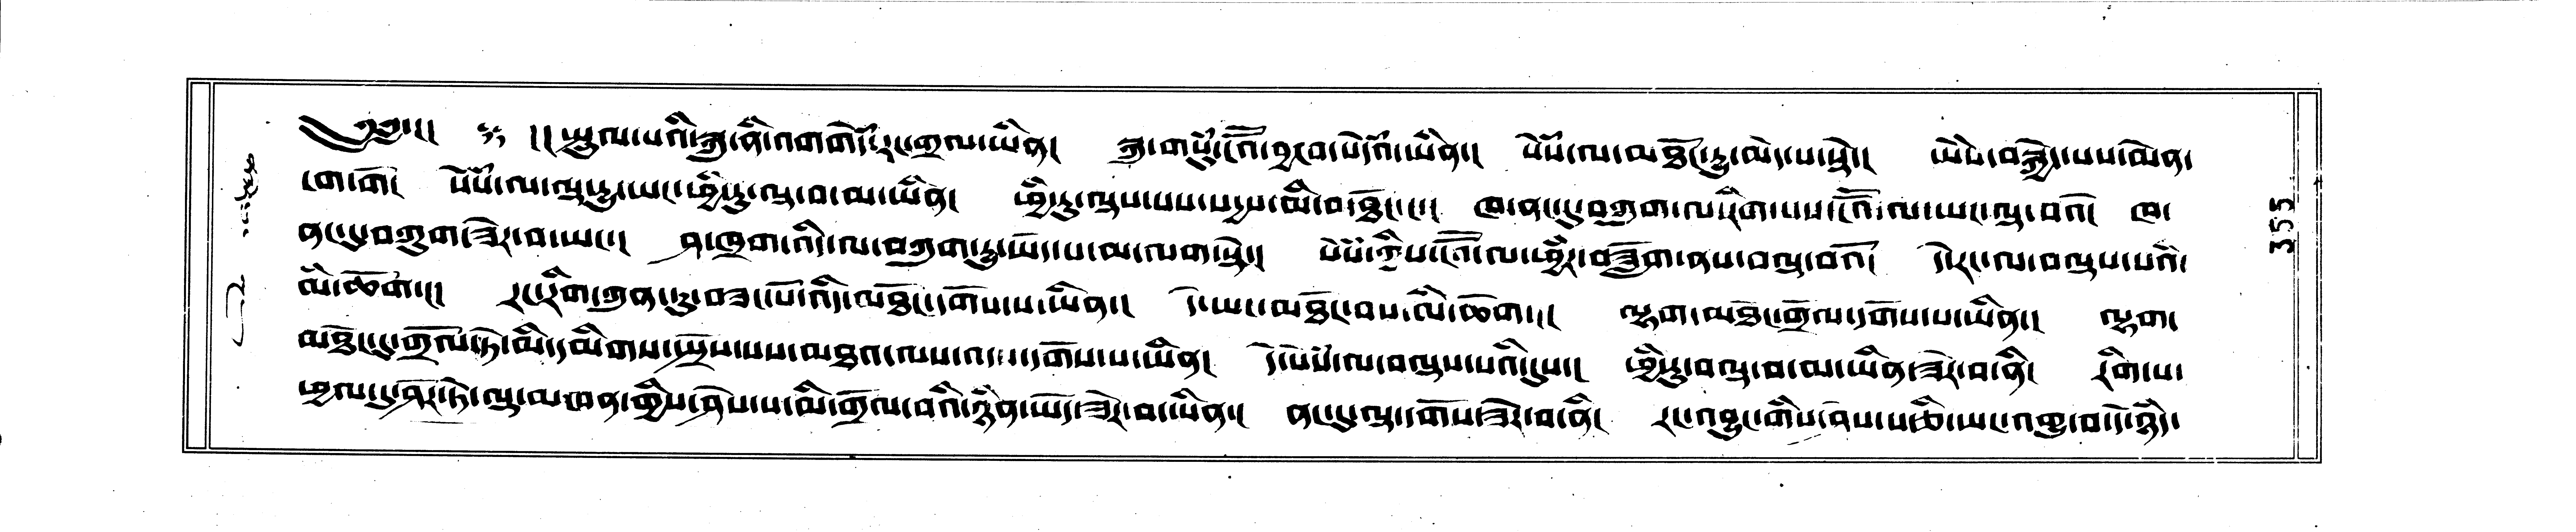སྤྲུལ་པའི་སྐུ་ནི་འགག་མེད་རང་གྲོལ་ཡིན། སྐུ་གསུམ་གྱིས་ངོའོ་བྱང་ཆུབ་སེམས་ཉིད་ཡིན། སེམས་ལས་མཐོང་རྒྱུ་མེད་པས་ཏེ། ཡེ་ཤེས་བསྐྱེད་པའི་མེན་
ངག་གོ སེམས་ལ་ལྟ་བ་ལས། ཕྱི་རུ་ལྟ་བ་མ་ཡིན། ཕྱི་རུ་བལྟས་པས་སངས་རྒྱས་མི་མཐོང་ངོ་། ཁ་ཡང་ནང་དུ་བཀུག་ལ། རང་གིས་རིག་པའི་ངོའོ་ལ་ལྟ་བའོ། ཁ་
ནང་དུ་བཀུག་ཟེར་བ་ཡང་ཤ་ཁྲག་གིས་ཁ་འདི་ལ་བཀུག་རྒྱུ་ཡོད་པ་མ་ལགས་སྟེ། སེམས་ཀྱིས་ངོའོ་ལ་ཕྱིར་བཟློ་ནས་ལྟ་བའོ། དེ་ལ་རང་བལྟས་པས་
མི་ཆོག རང་རིག་ཀུན་དུ་བཟང་པོ་འདི་མཐོང་དགོས་པ་ཡིན། དེ་ཡང་མཐོང་པས་མི་ཆོག ལྷག་མཐོང་དུ་གྲོལ་དགོས་པ་ཡིན། ལྷག་
མཐོང་དུ་ཡང་གྲོལ་ཏེ། མི་དམིགས་སྤྲོས་པའི་མཐའ་ལས་འདས་དགོས་པ་ཡིན། དེ་ན་སེམས་ལ་ལྟ་བའི་དུས། ཕྱི་རུ་ལྟ་བ་མ་ཡིན་ཟེར་བ་ནི། རིག་པ་
ཕྱལ་དུ་ཤོར་ལྟེ་ལྟ་མཁན་གྱིས་ཤེས་པ་མི་གྲོལ་བའི་ཉེས་ཡོད་ཟེར་བ་ཡིན། ནང་དུ་ལྟ་དགོས་ཟེར་བ་ནི། རང་འབྱུང་གིས་ཤེས་པ་ཅི་ཡང་འགྱུ་བ་དེ་ཉིད་